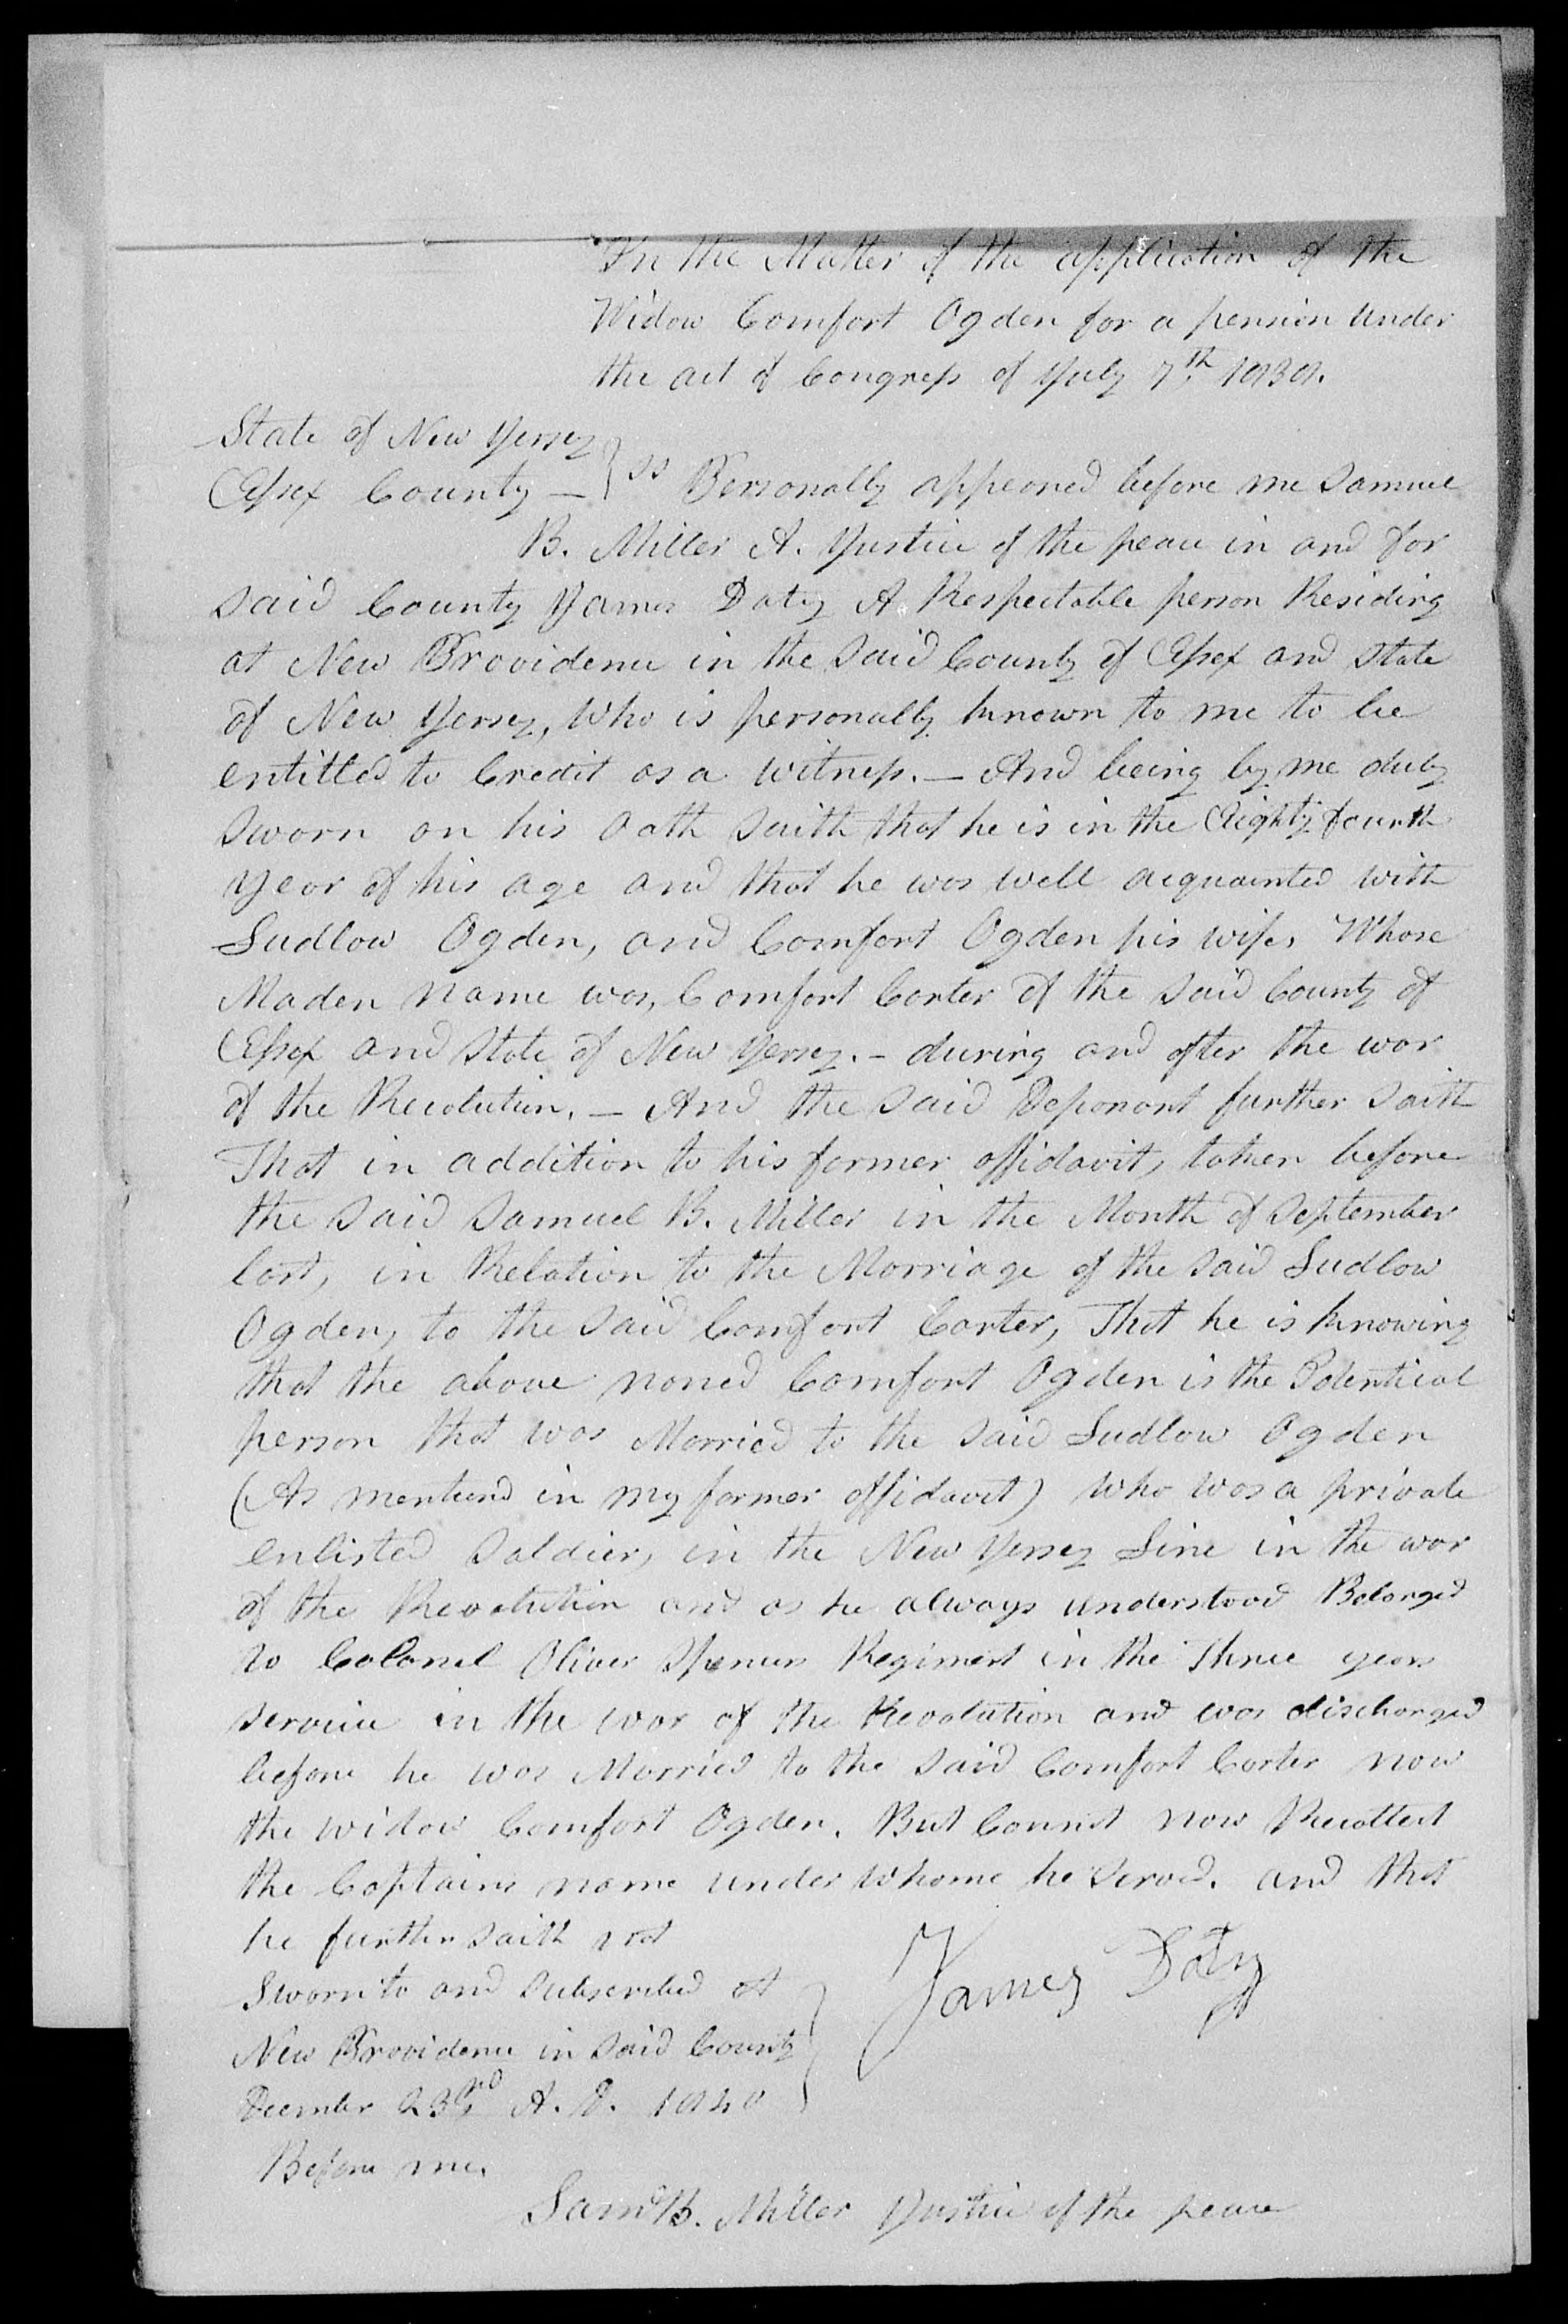In the Matter of the application of the
Widow Comfort Ogden for a pension under
the act of Congress of July 7th 1838.

State of New Jersey )
Essex County -         ) ss
Personally appeared before me Samuel B. Miller A Justice of the peace in and for said County James Doty A Respectable person Residing at New Providence in the Said County of Essex and state of New Jersey, who is personally known to me to be entitled to Credit as a witness. - And being by me duly Sworn on his Oath Saith that he is in the Eighty fourth year of his age and that he was well acquainted with Ludlow Ogden, and Comfort Ogden his wife, Whose Maden name was Comfort Carter of the Said County of Essex and State of New Jersey. - during and after the war of the Revolution - And the Said Deponant further Saith That in addition to his former affidavit, taken before the Said Samuel B. Miller in the Month of September last, in Relation to the Marriage of the said Ludlow Ogden, to the said Comfort Carter, That he is knowing that the above named Comfort Ogden is the Identical person that was Married to the said Ludlow Ogden (As mentioned in my former affidavit) who was a private enlisted Soldier, in the New Jersey Line in the war of the Revolution and as he always understood Belonged to Colonel Oliver Spencers Regiment in the three years service in the war of the Revolution and was discharged before he was Married to the said Comfort Carter now the widow Comfort Ogden.  But Cannot now Recollect the Captains name under whom he served. and that he further saith not
   James Doty
Sworn to and Subscribed at       )
New Providence in Said County )
December 23rd A.D. 1840           )
Before me
      Saml B. Miller Justice of the peace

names: James Doty; Comfort Carter; Samuel B Miller; Ludlow Ogden; Comfort Ogden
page: 19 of 25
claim: widow's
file: W. 187, for Ludlow Ogden, New Jersey